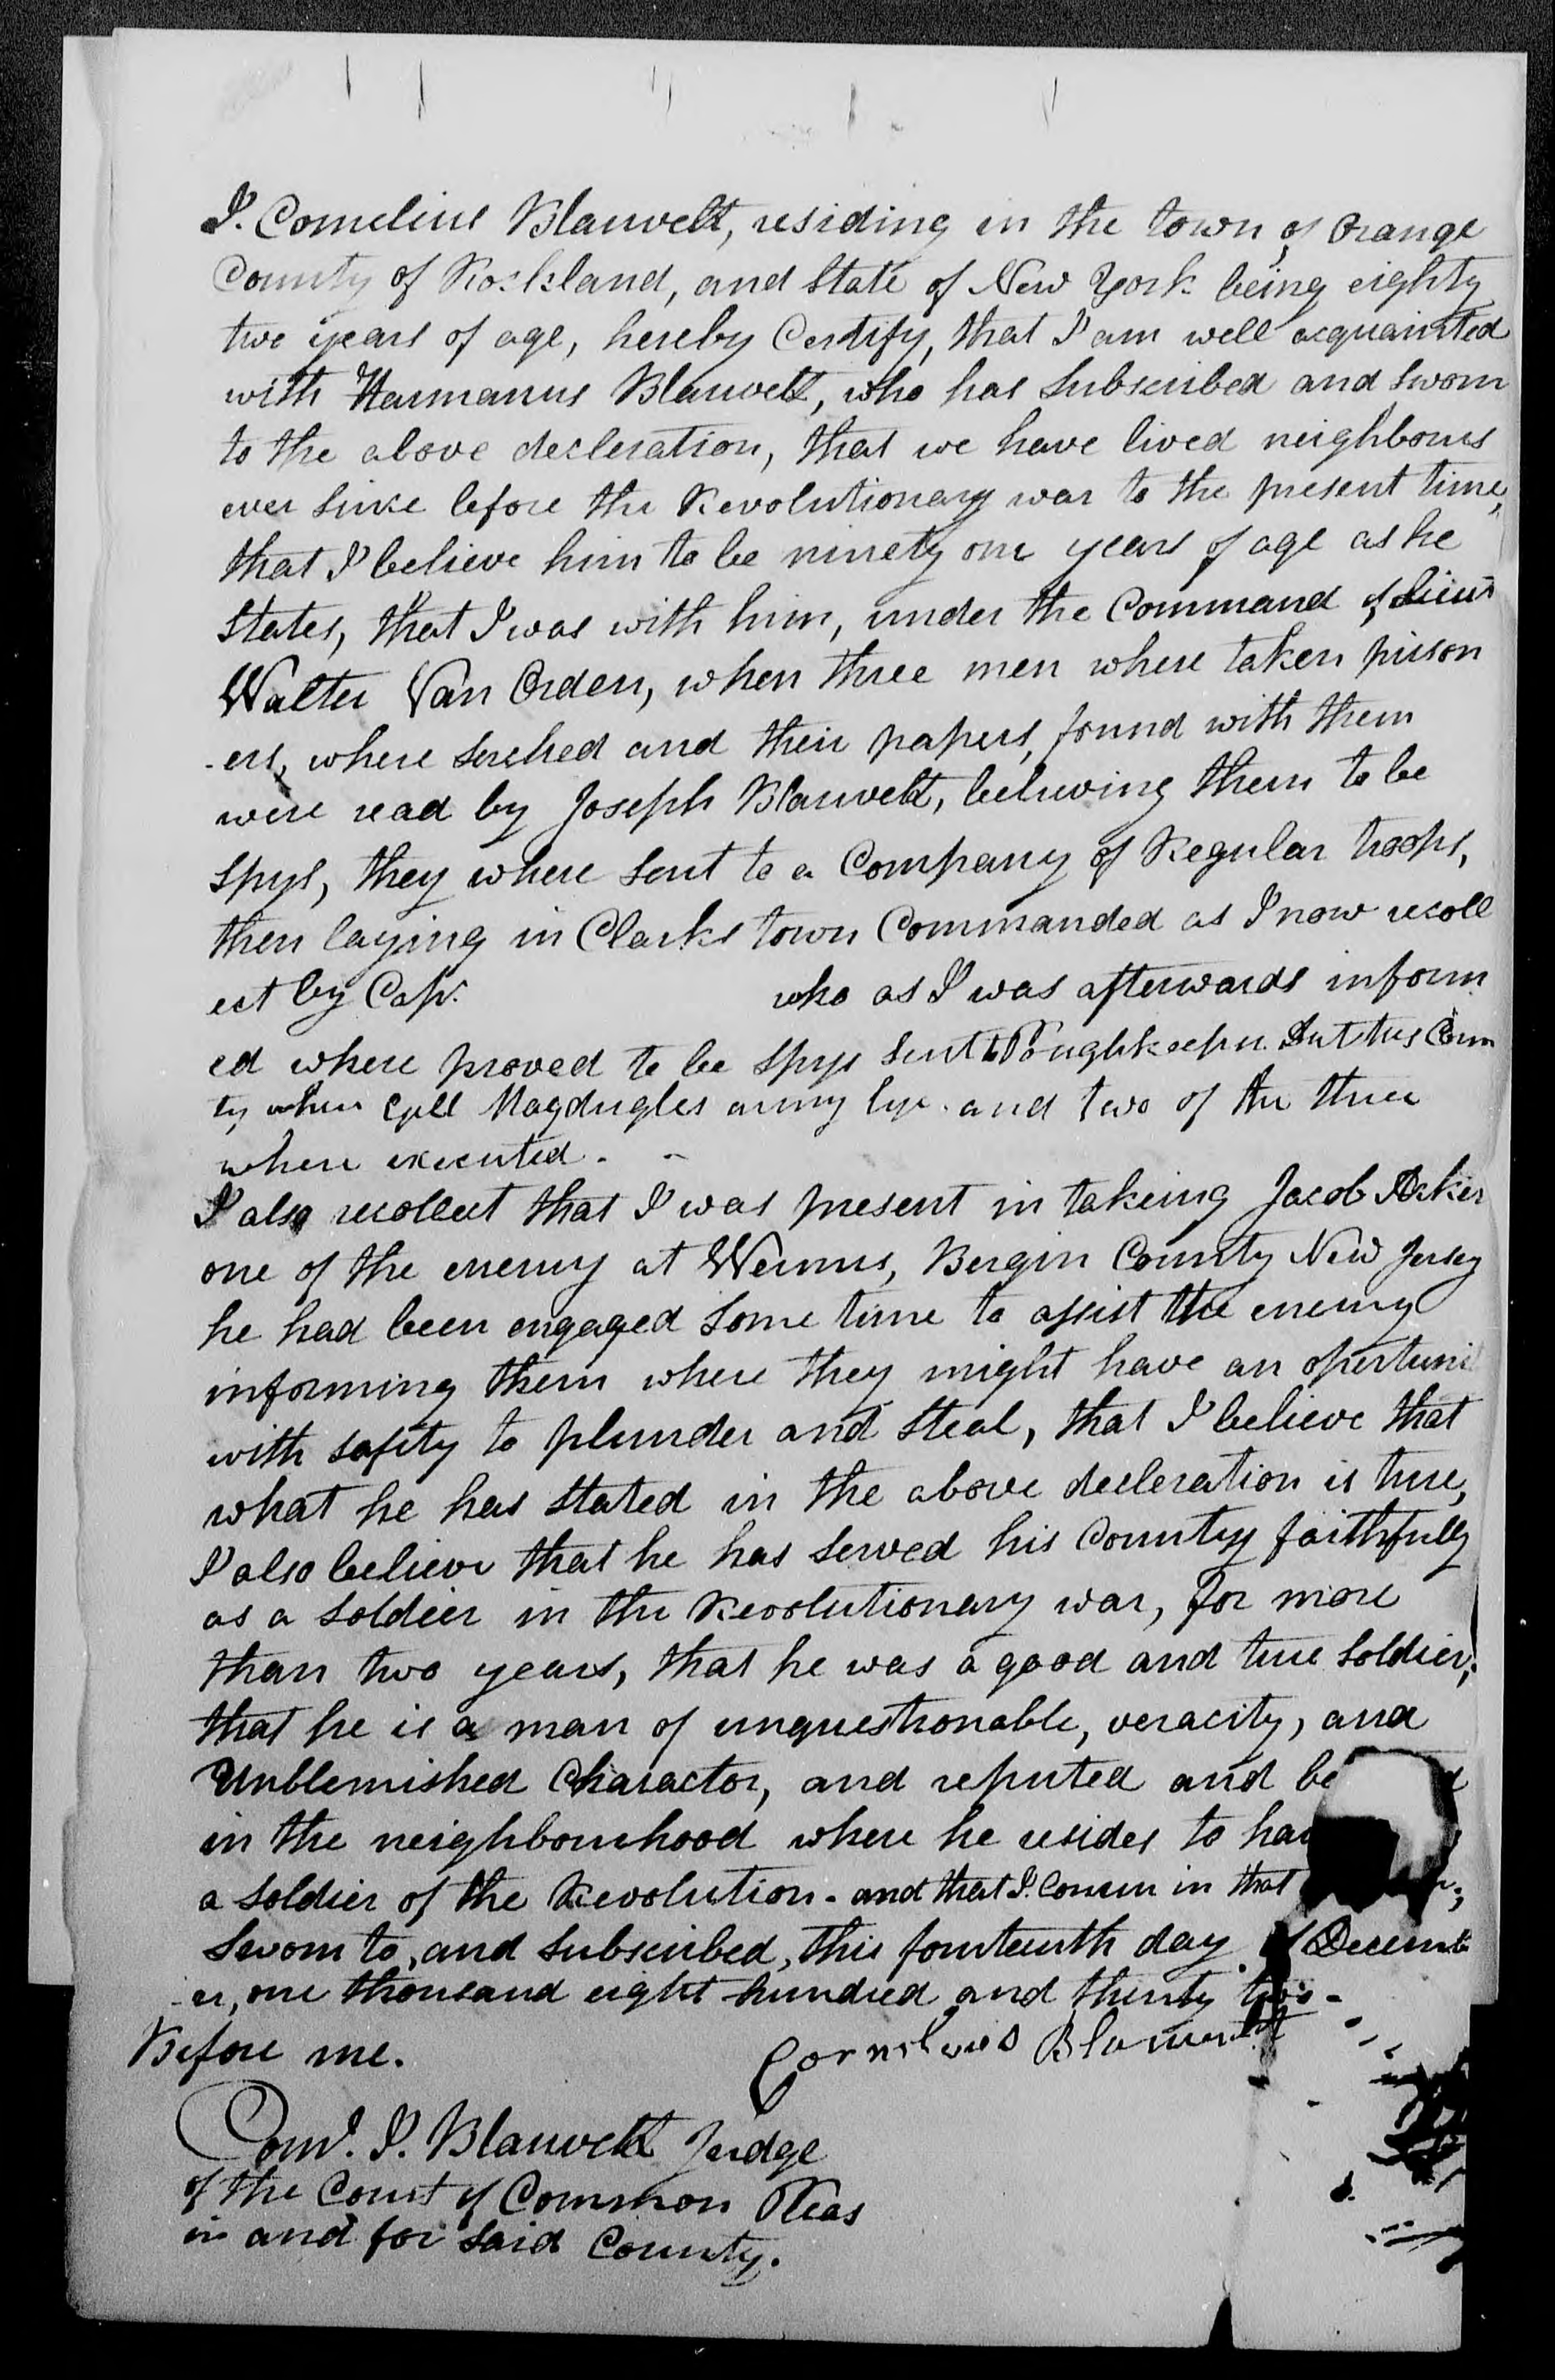I Cornelius Blauvelt, residing in the town of Orange County of Rockland, and State of New York being eighty two years of age, hereby Certify, that I am well acquainted with Harmanus Blauvelt, who has subscribed and sworn to the above declaration, that we have lived neighbours ever since before the Revolutionary war to the present time, that I believe him to be ninety one years of age as he states, that I was with him, under Command of Lieut Walter Van Orden, when three men were taken prisoner, where searched and their papers, found with them were read by Joseph Blauvelt, believing them to be spys, they where sent to a Company of Regular troops, then laying in Clarkstown Commanded as I now recollect by Cap. [blank] who as I was afterwards informed where proved to by spys sent to Poughkeepsie in Dutchess County when Col Macdugles army lay and two of the three were executed.
I also recollect that I was present in taking Jacob Arkin one of the enemy at Wermis, Bergin County New Jersey he had been engaged some time to assist the enemy informing them where they might have an opertunit with safety to plunder and steal, that I believe that what he has stated in the above declaration is true, I also believe that he has served his Country faithfully as a soldier in the Revolutionary war, for more that two years, that he was a good and true soldier, that he is a man of unquestionable, veracity, and unblemished character, and reputed and believed in the neighbourhood where he resides to have been a soldier of the Revolution, and that I concur in that [damaged]; Sworn to, and subscribed, this fourteenth day of December, one thousand eight hundred and thirty two,
[signed] Cornelius Blauvelt
Before me, Cornl' I. Blauvelt Judge of the Court  of Common Pleas in and for said County.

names: Harmanus Blauvelt, Corns I Blauvelt, Cornelius Blauvelt, Jacob Acker, Cornelius Blauvelt, Walter Van Orden, Joseph Blauvelt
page: 23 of 33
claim: survivor's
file: S. 22,653, Harmanus Blauvelt, New York